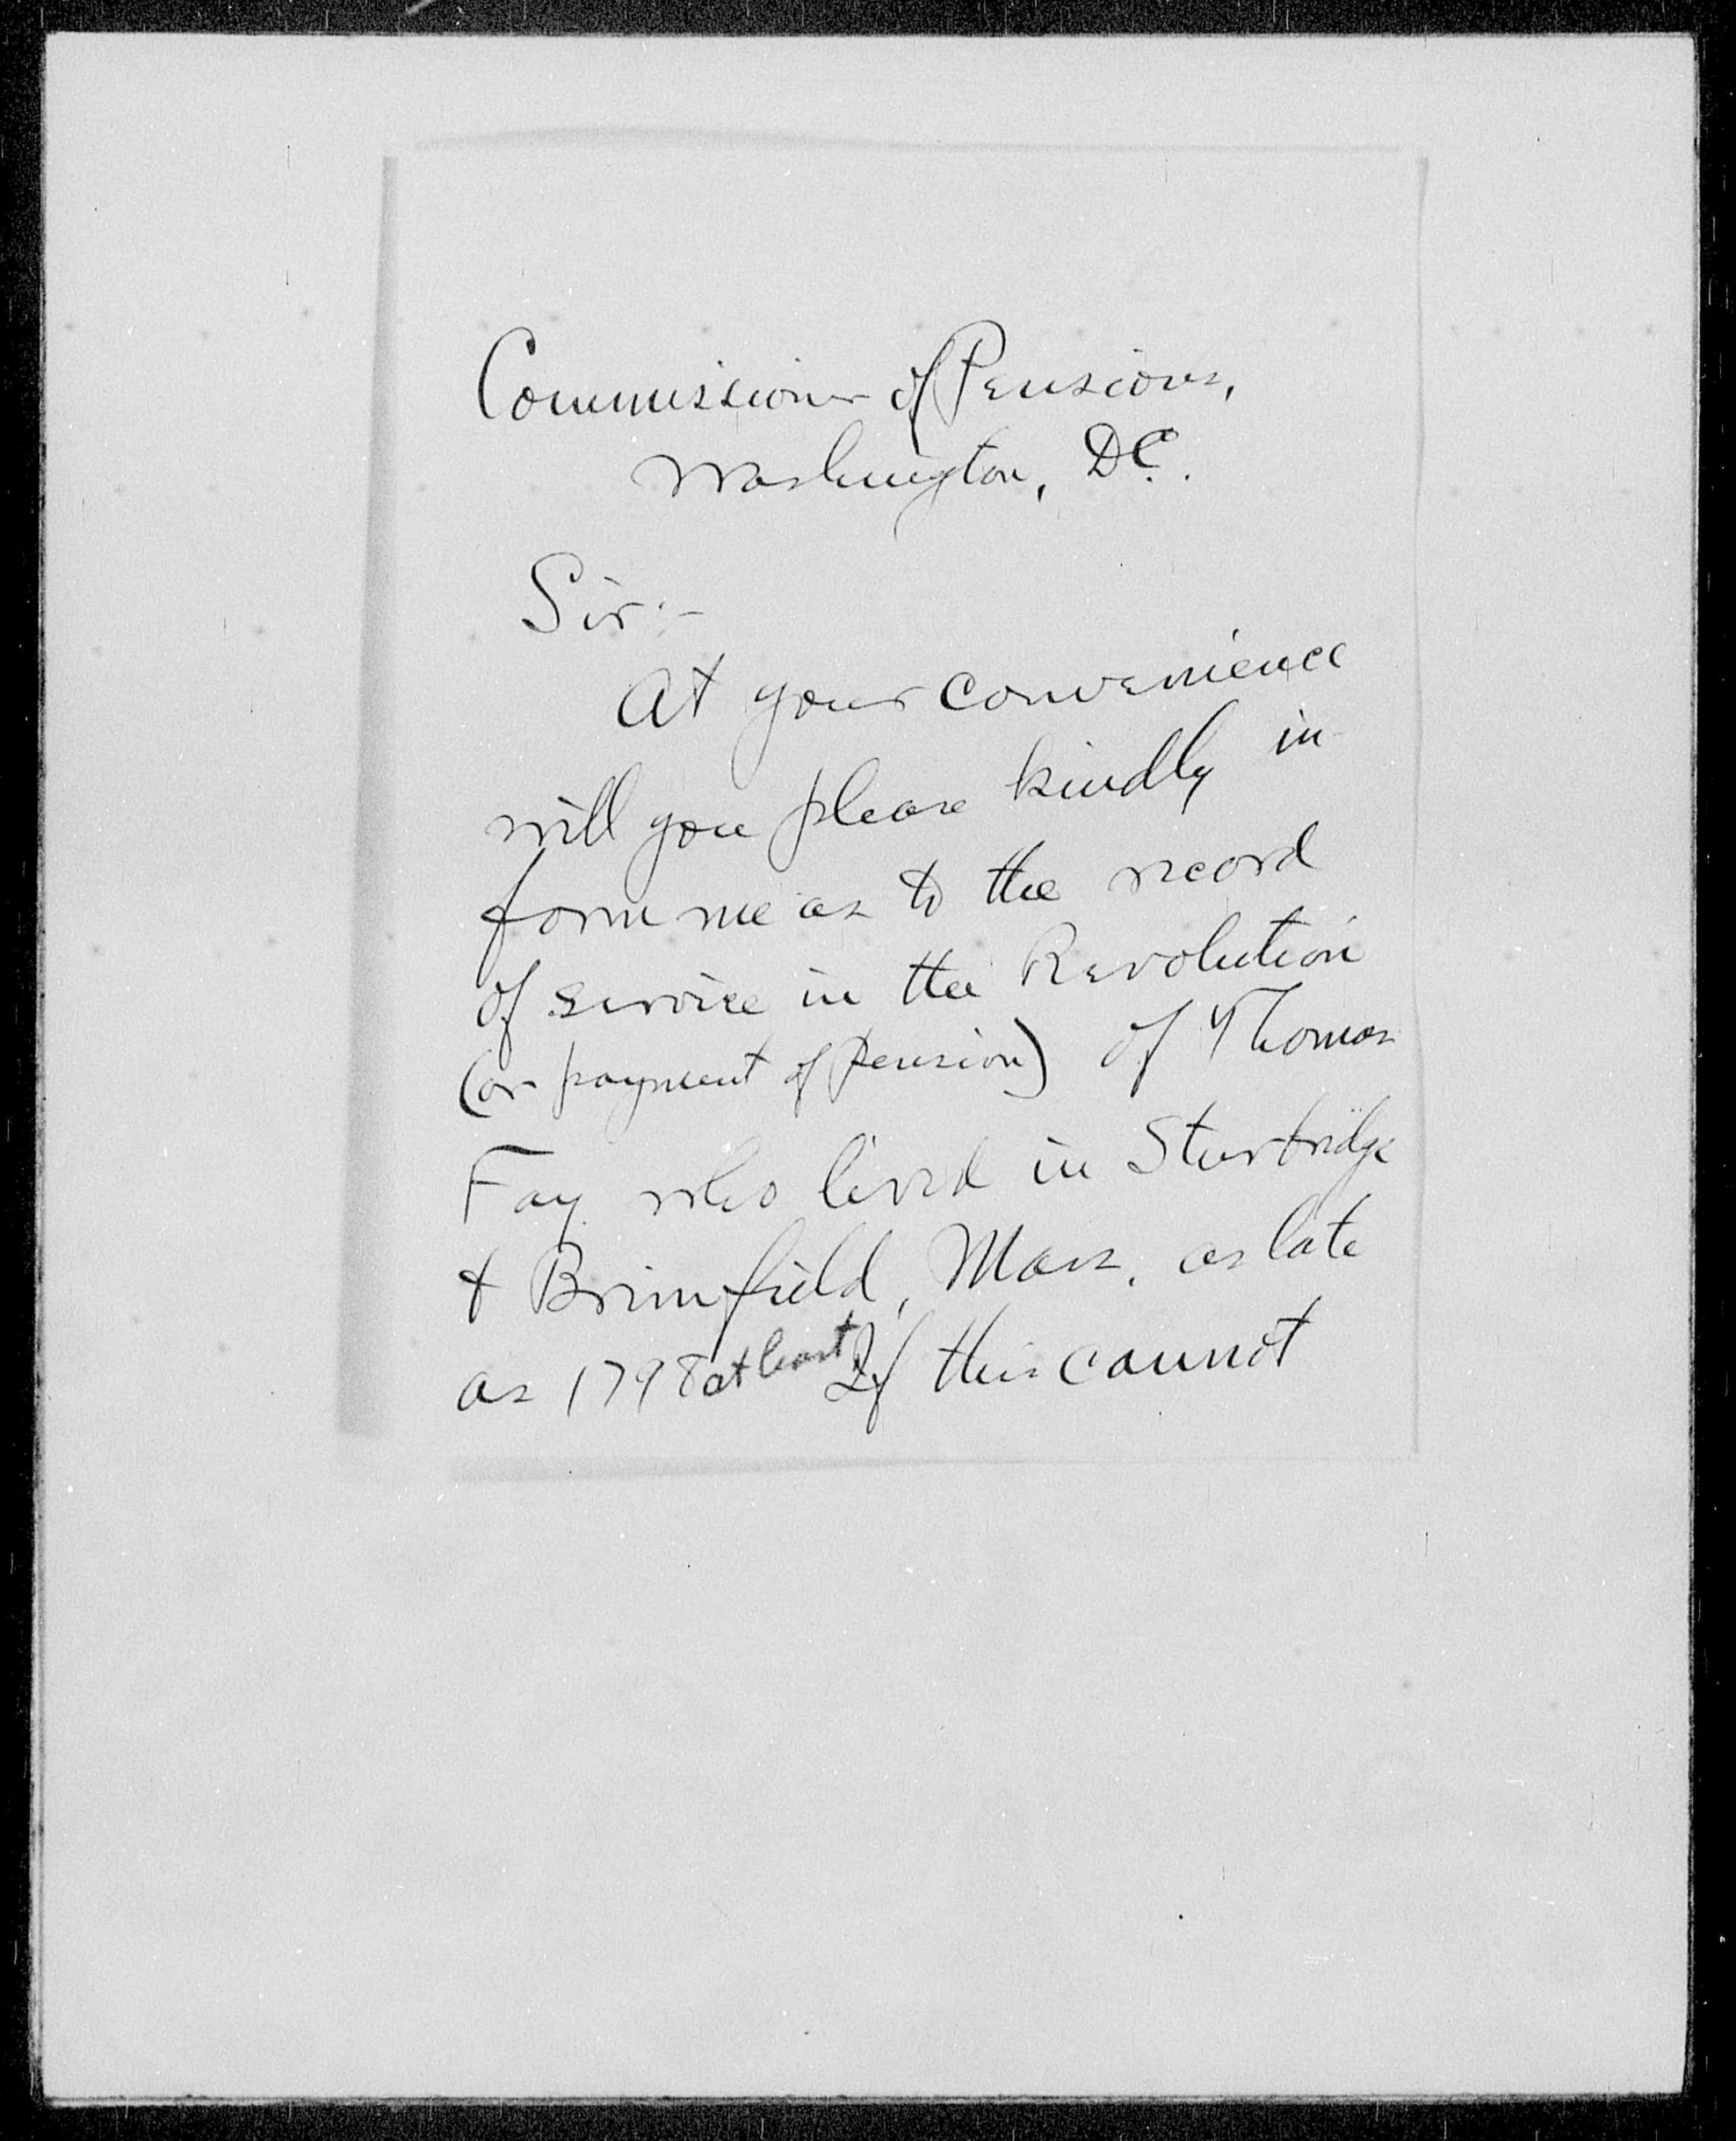Commissioner of Pensions,
Washington, D.C.

Sir:

At your convenience will you please kindly inform me as to the record of service in the Revolution (or payment of pension) of Thomas Fay who lived in Sturbridge & Brimfield, Mass. as late as 1798 at least. If this cannot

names: Thomas Fay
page: 30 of 31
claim: survivor's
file: S. 34,839, Thomas Fay, Mass.